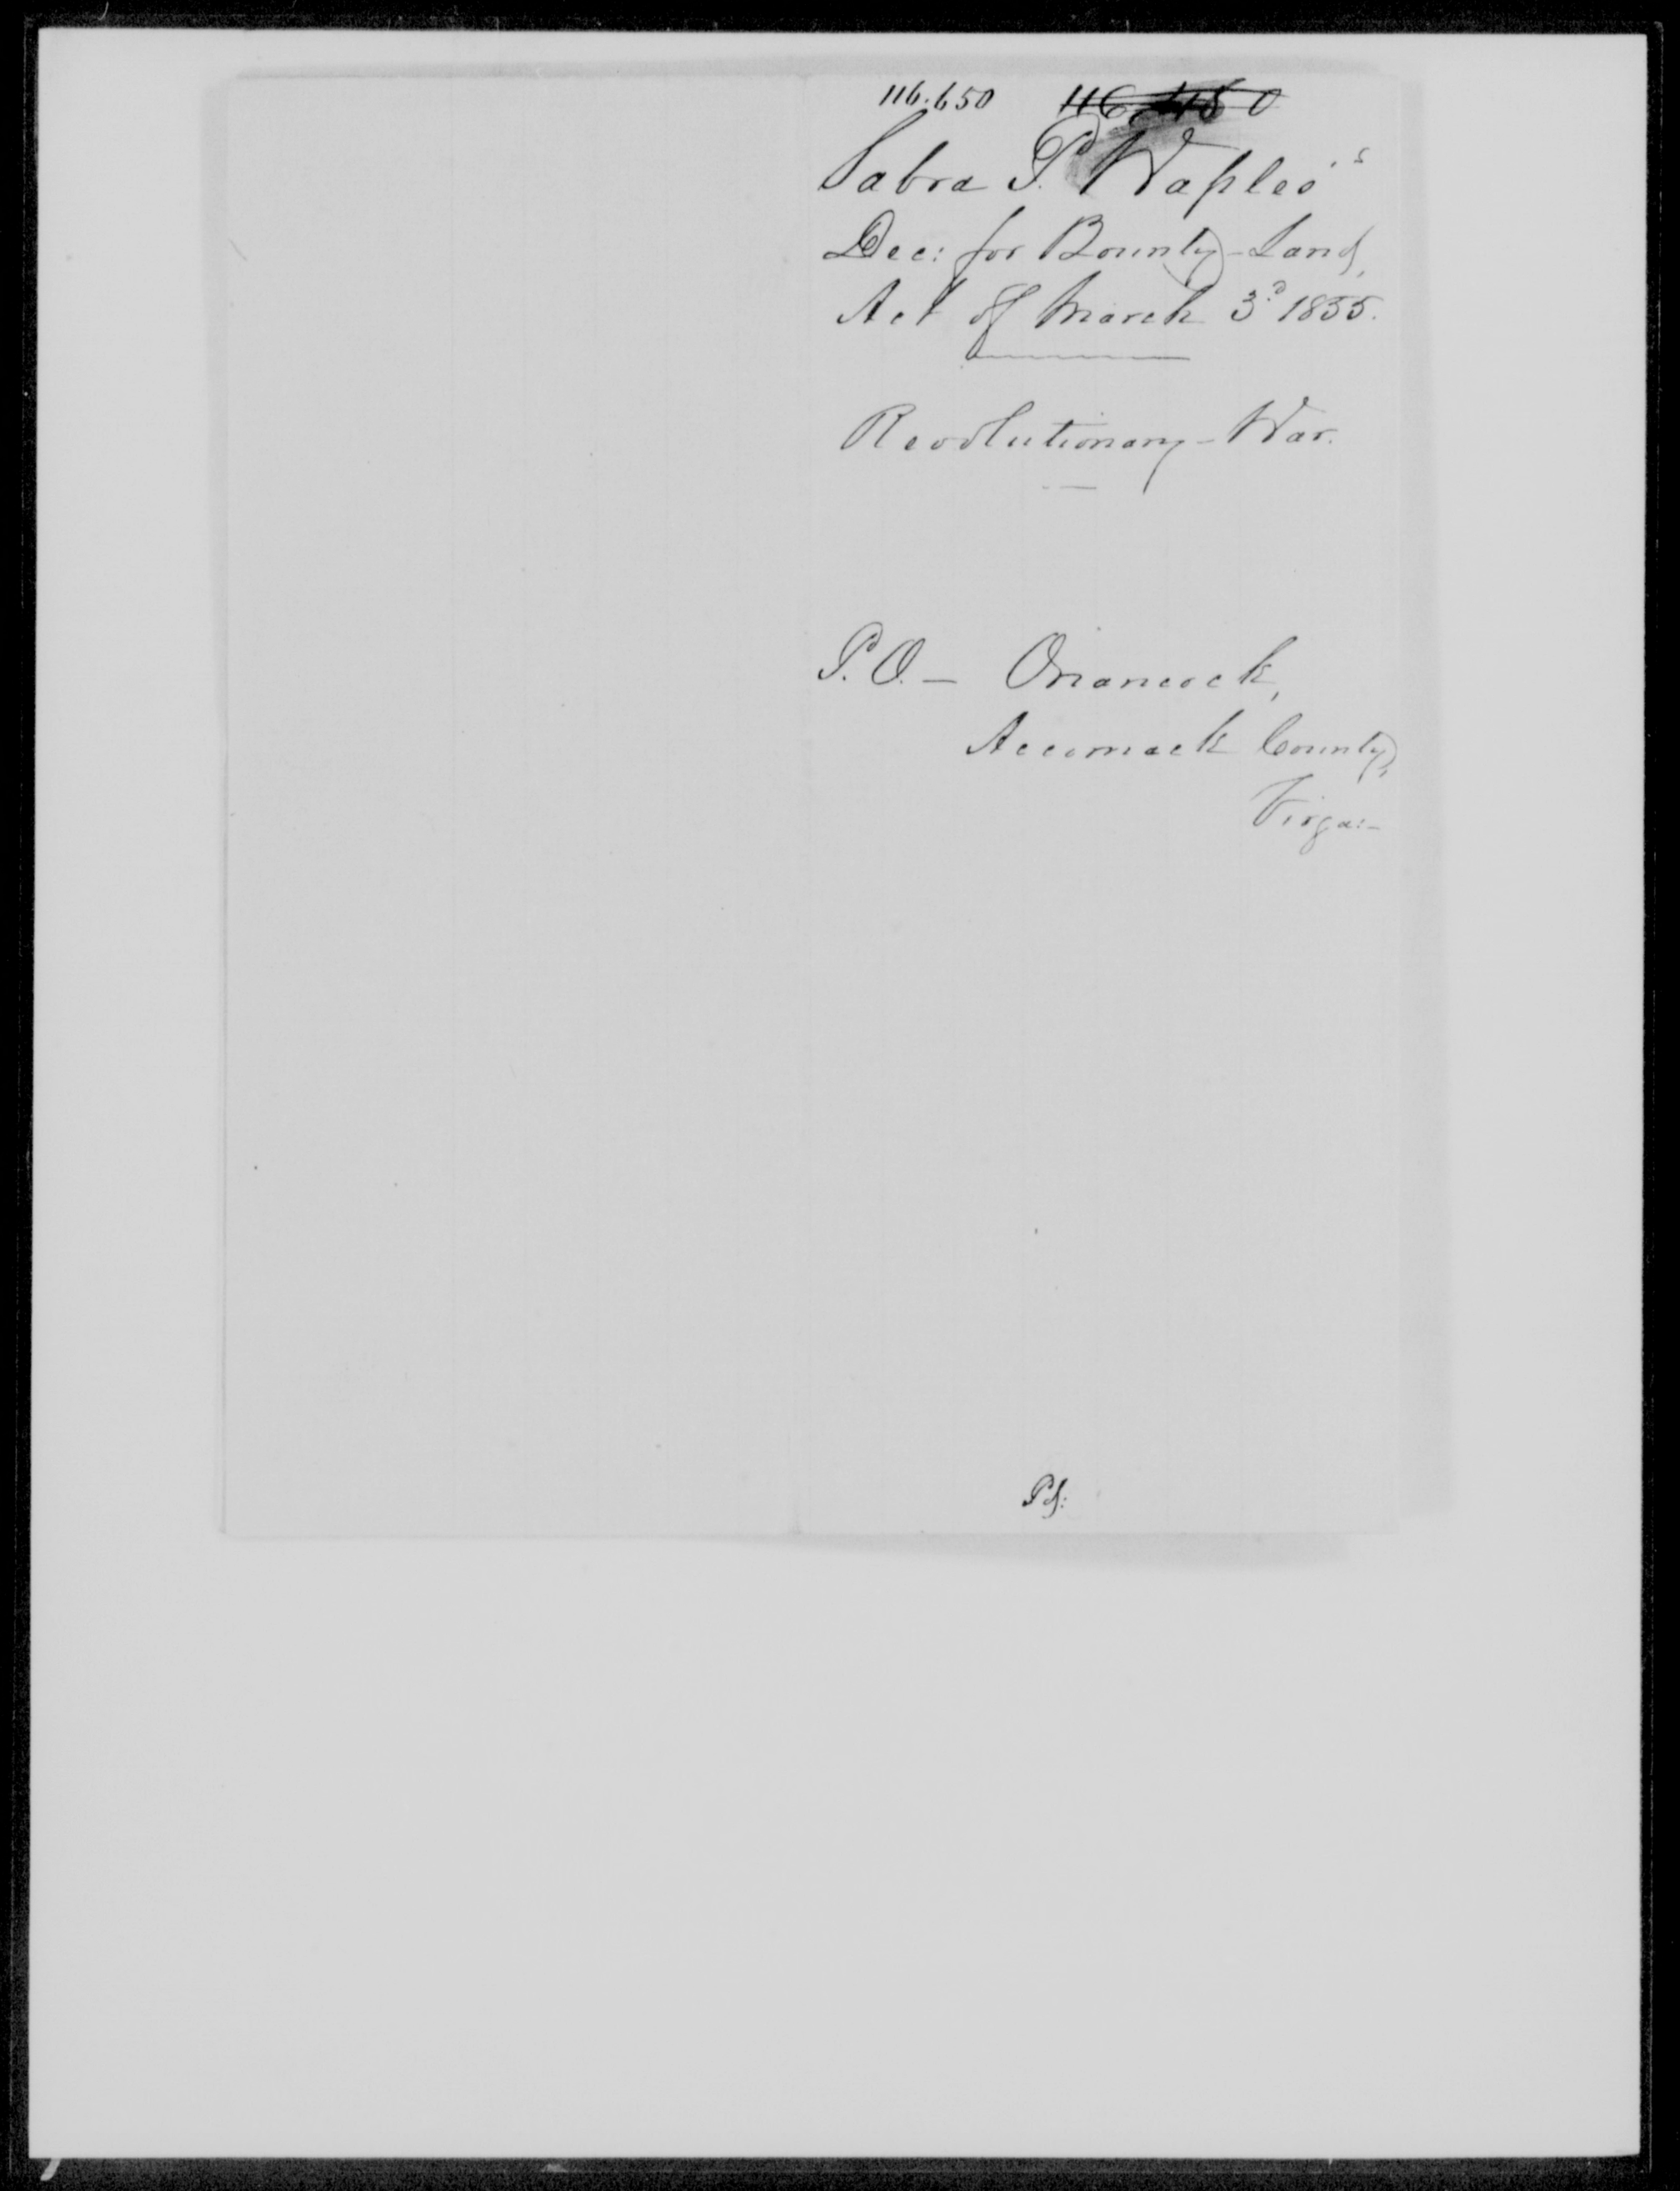116.650 
Sabra P. Waples
Dec: for Bounty Land 
Act of March 3d 1855.

Revolutionary War

J. O. Onancock
Accomack County
Virginia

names: Sabra P Waples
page: 16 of 59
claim: widow's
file: W. 6427, Samuel Waples, Va.